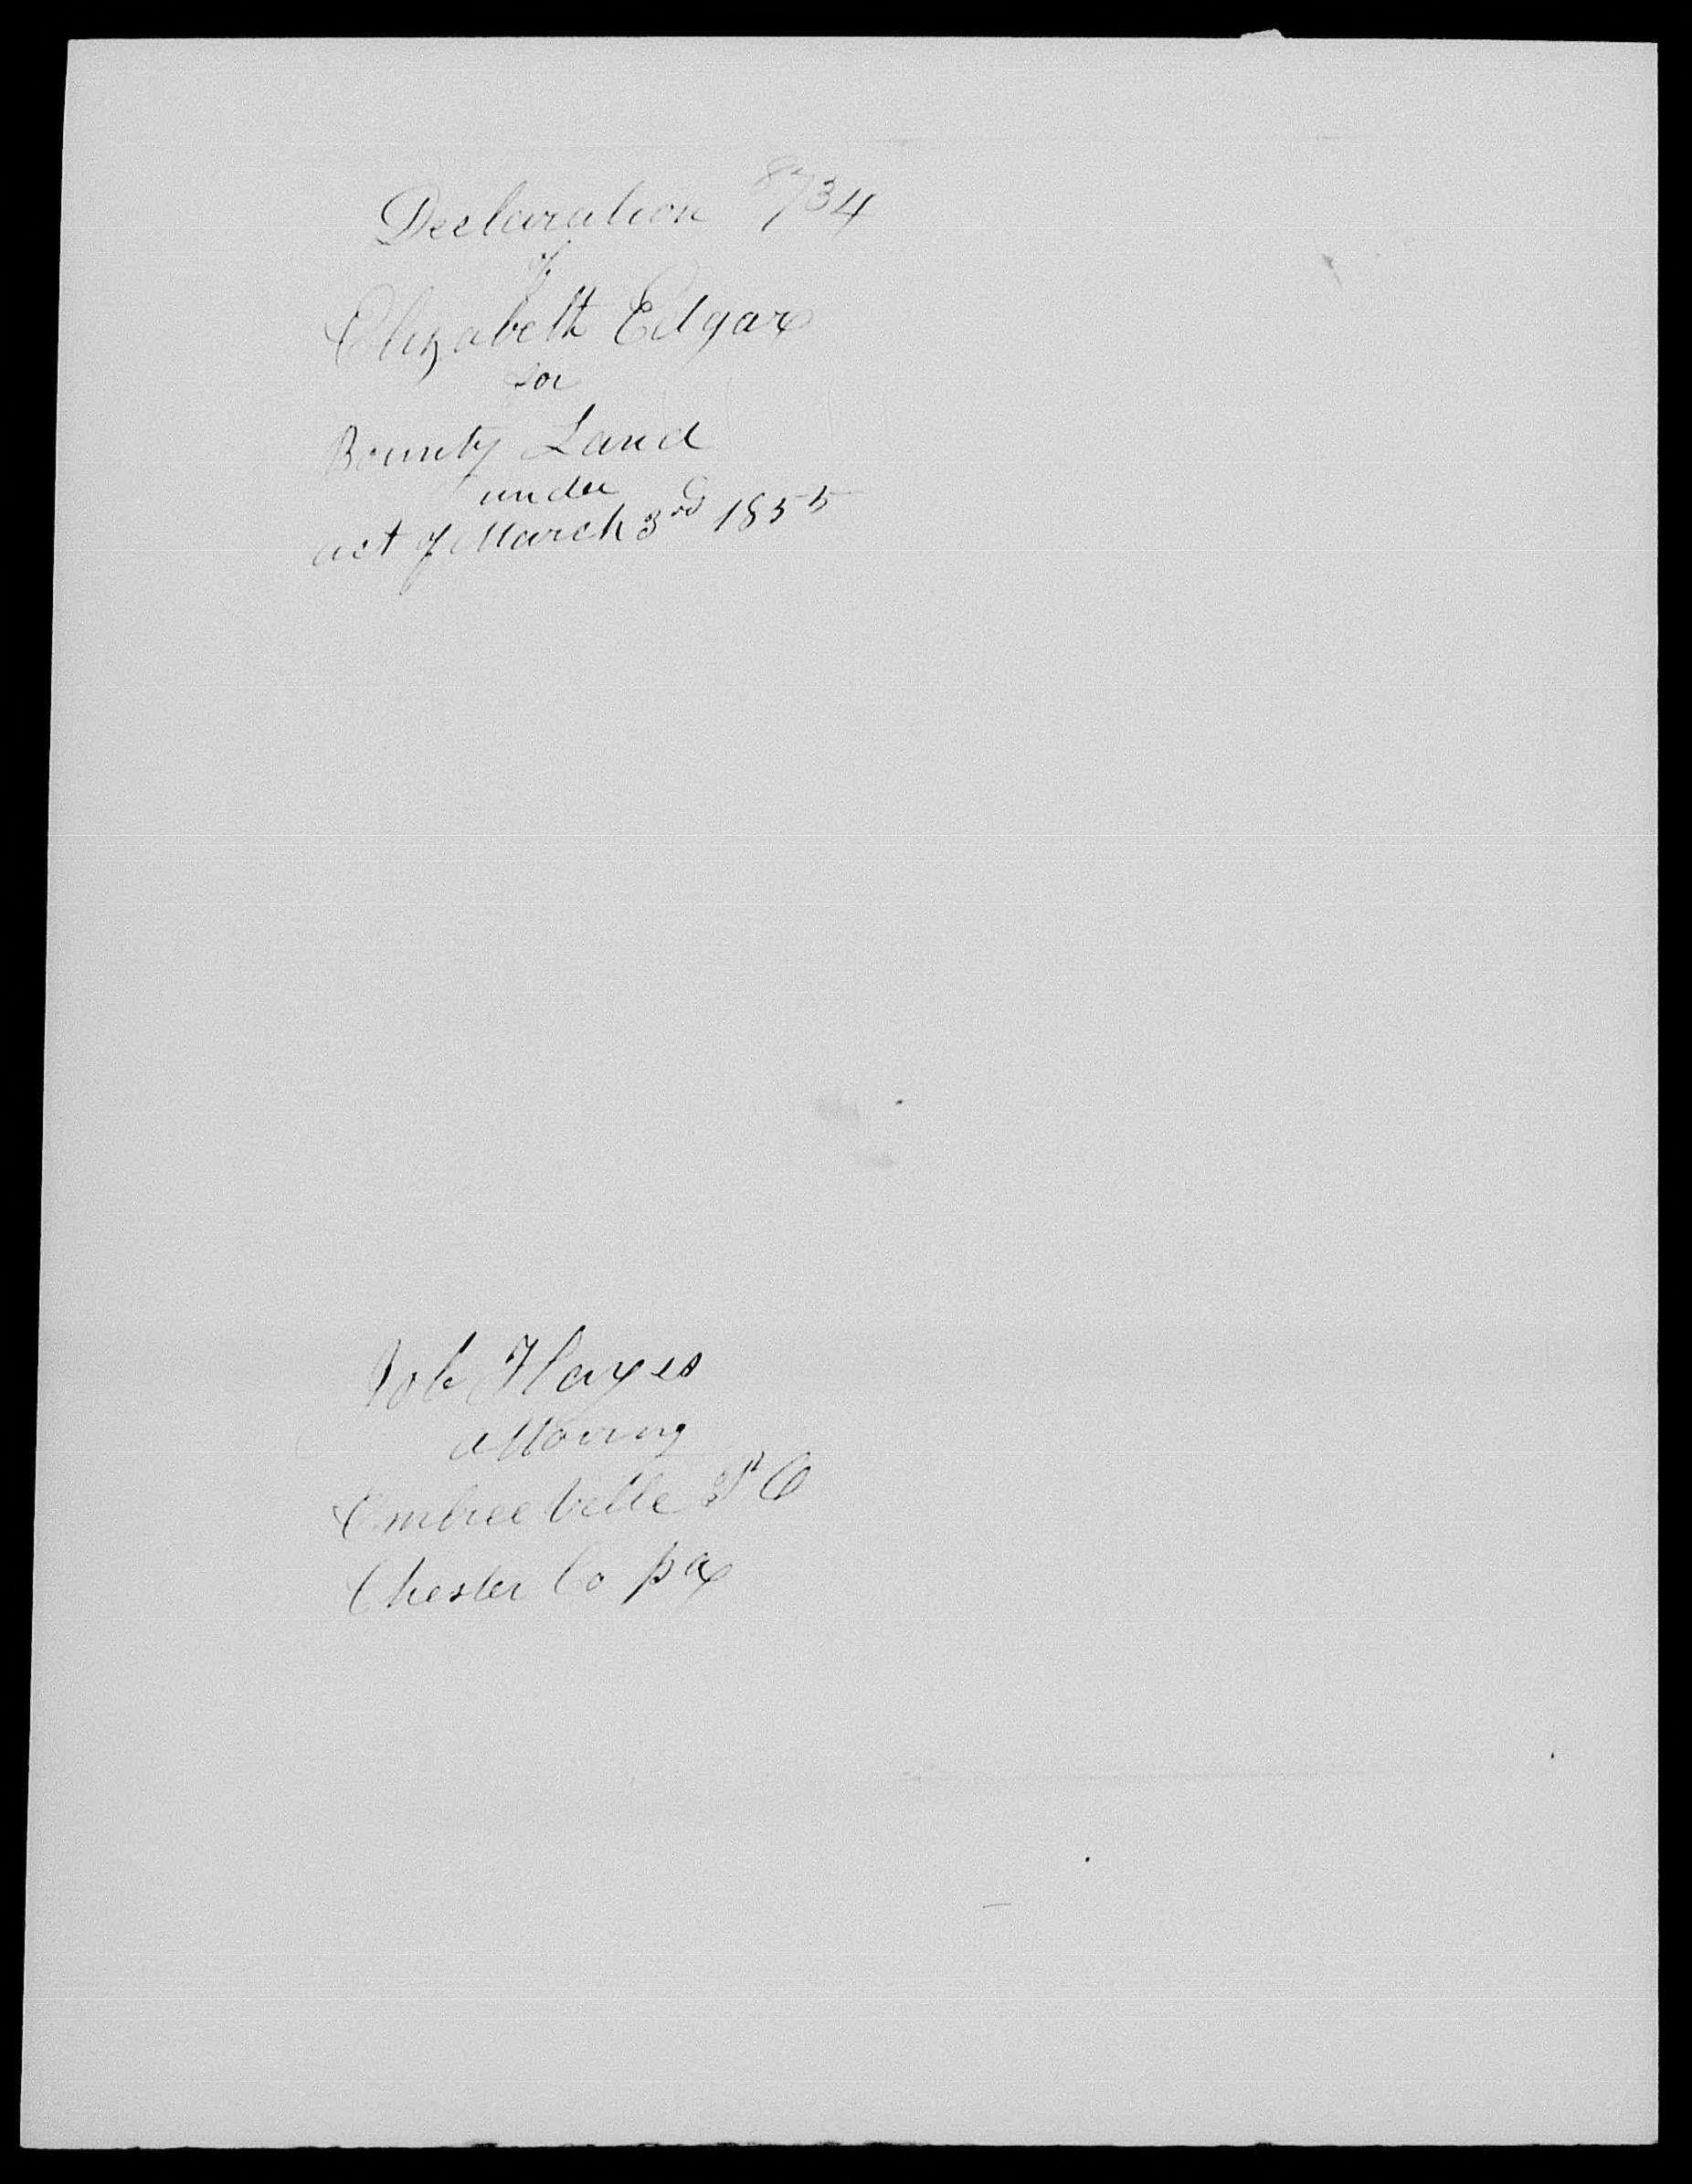Declaration 8734
of
Elizabeth Edgar
for Bounty Land
under
act of March 3rd 1855

Job Hayes
attorney
Embreeville PA
Chester Co PA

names: Job Hayes, Elizabeth Edgar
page: 17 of 74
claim: widow's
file: W. 9422, James Edgar, Penn.